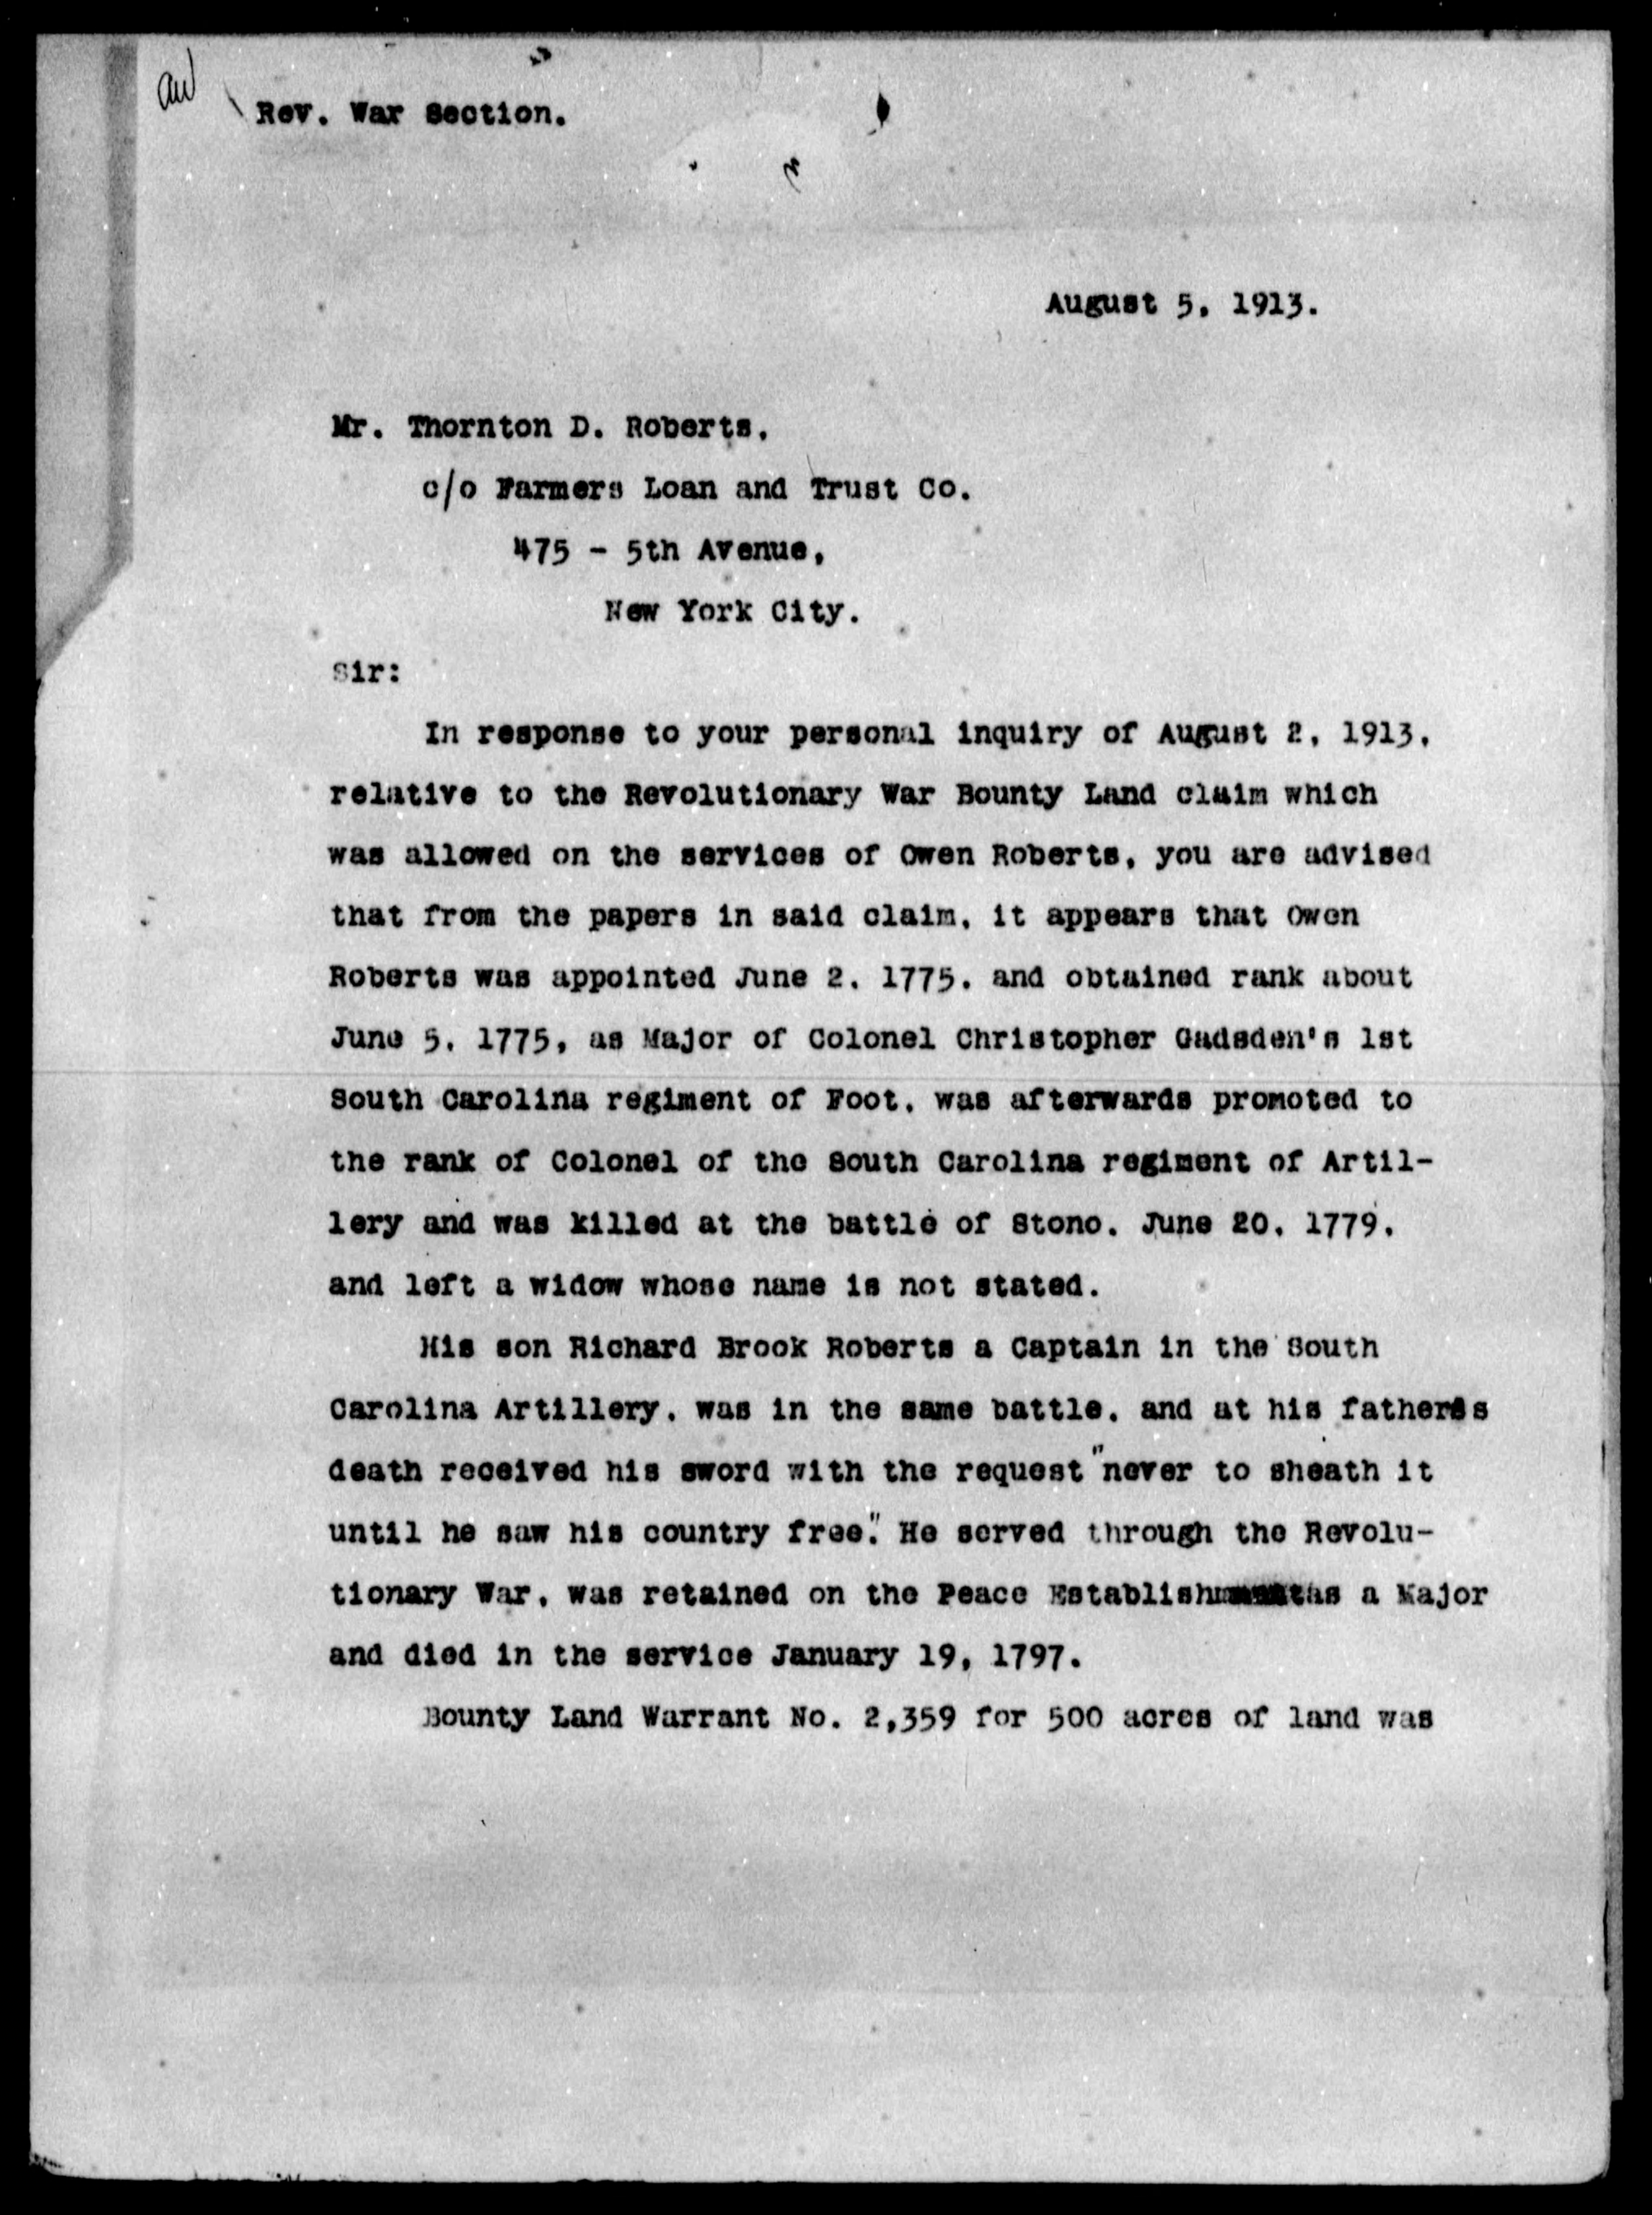[handwritten] aw
Rev. War Section.


August 5, 1913.
Mr. Thornton D. Roberts.
c/o Farmers Loan and Trust co.
475 - 5th Avenue,
New York City.

Sir:
In response to your personal inquiry of August 2, 1913, relative to the Revolutionary War Bounty Land claim which was allowed on the services of Owen Roberts, you are advised that from the papers in said claim, it appears that Owen Roberts was appointed June 2, 1775, and obtained rank about June 5, 1775, as Major of Colonel Christopher Gadsden's 1st South Carolina regiment of Foot, was afterwards promoted to the rank of Colonel of the South Carolina regiment of Artillery and was killed at the battle of Stono, June 20, 1779, and left a widow whose name is not stated.
His son Richard Brook Roberts a Captain in the South Carolina Artillery, was in the same battle, and at his father's death received his sword with the request "never to sheath it until he saw his country free." He served through the Revolutionary War, was retained on the Peace Establishment as a Major and died in the service January 19, 1797.
Bounty Land Warrant No. 2,359 for 500 acres or land was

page: 45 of 59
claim: bounty land warrant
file: B.L.Wt. 2359-500, for Owen Roberts, South Carolina